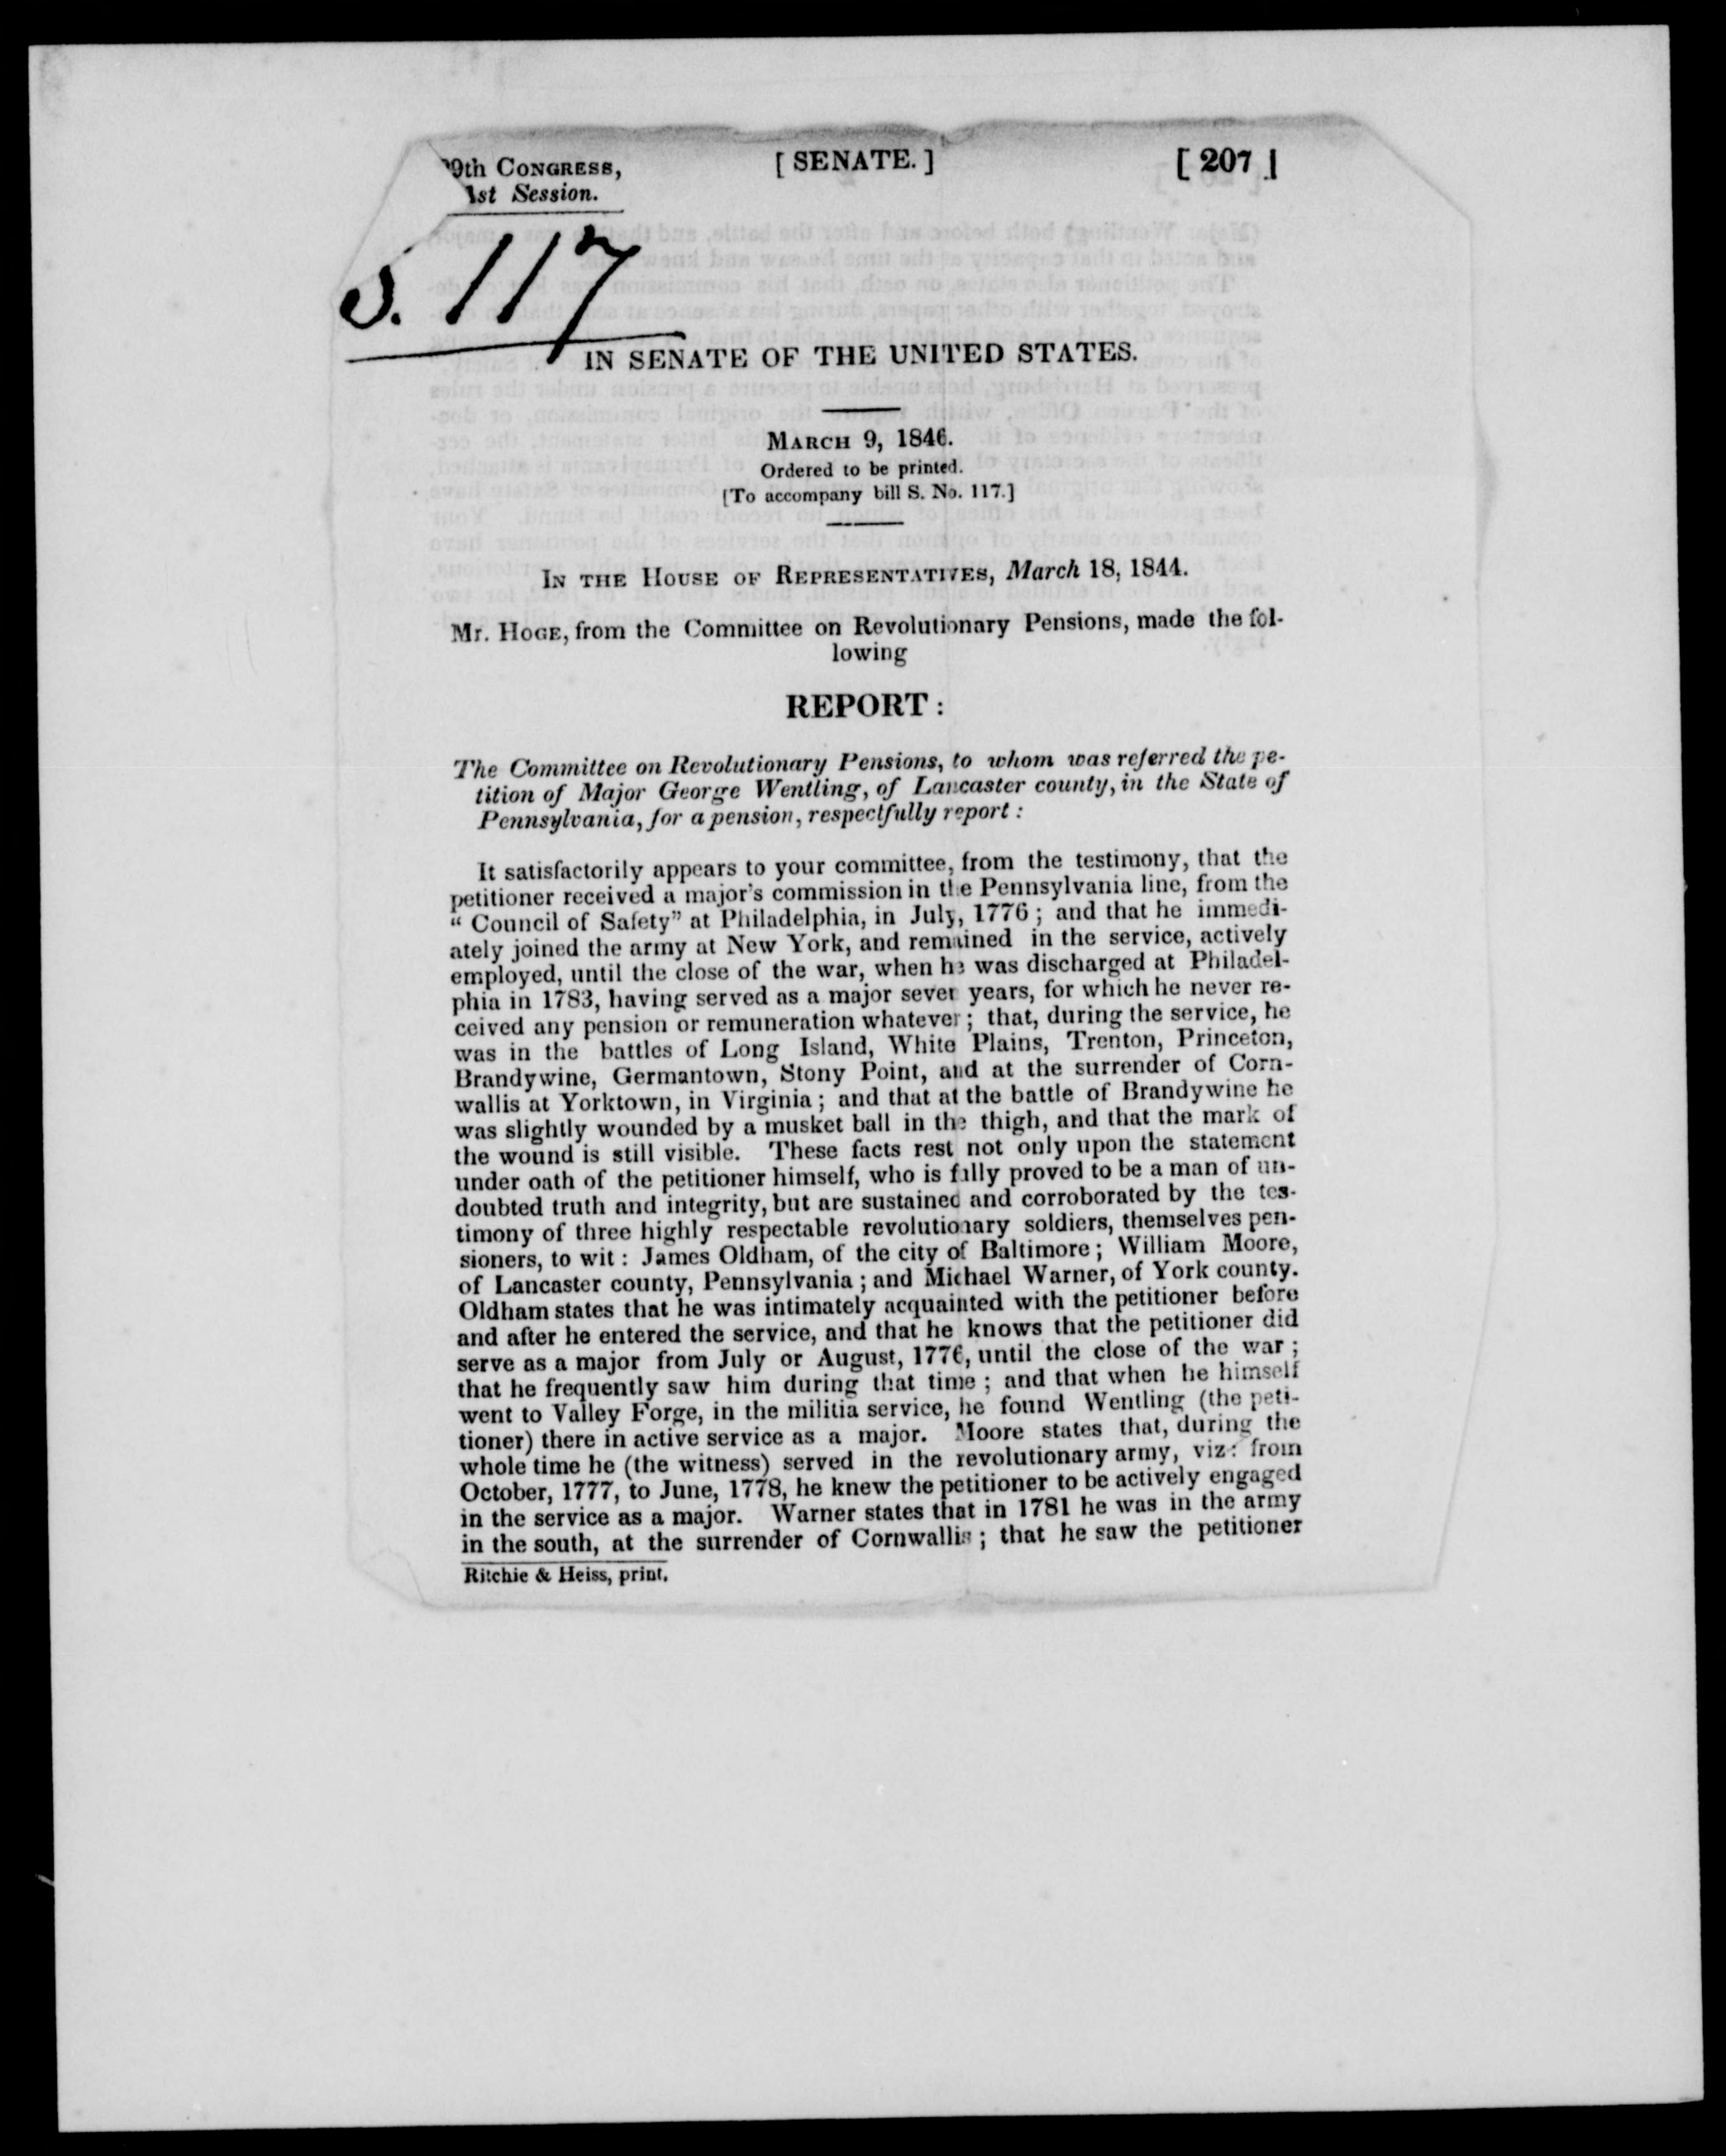9th CONGRESS,          SENATE.]      [207.]
1st Session.[
S 117                                     
IN SENATE OF THE UNITED STATES.
MARCH 9, 1846.
Ordered to be printed.
[To accompany bill S. No. 117.]
┃
IN THE HOUSE OF REPRESENTATIVES, March 18, 1844.
Mr. HOGE, from the Committee on Revolutionary Pensions, made the following
                           REPORT:
The Committee on Revolutionary Pensions, to whom was referred the petition of Major George Wentling of Lancaster county, in the State of Pennsylvania, for a pension, Respectfully report:  
It satisfactorily appears to your committee, from the testimony, that the petitioner received a major's commission in the Pennsylvania line, from the Council of Safety" at Philadelphia, in July, 1776; and that he immediately joined the army at New York, and remained in the service, actively employed, until the close of the war, when he was discharged at Philadelphia in 1783, having served as a major seven years, for which he never received any pension or remuneration whatever; that, during the service, he was in the battles of Long Island, White Plains, Trenton, Princeton, Brandywine, Germantown, Stony Point, and at the surrender of Cornwallis at Yorktown, in Virginia; and that at the battle of Brandywine he was slightly wounded by a musket ball in the thigh, and that the mark of the wound is still visible. These facts rest not only upon the statement
under oath of the petitioner himself, who is fully proved to be a man of undoubted truth and integrity, but are sustained and corroborated by the testimony of three highly respectable revolutionary soldiers, themselves pensioners, to wit: James Oldham, of the city of Baltimore; William Moore, of Lancaster county, Pennsylvania; and Michael Warner, of York county.  Oldham states that he was intimately acquainted with the petitioner before and after he entered the service, and that he knows that the petitioner did serve as a major from July or August, 1776, until the close of the war; that he frequently saw him during that time; and that when he himself
went to Valley Forge, in the militia service, he found Wenting (the petitioner ) there in active service as a major. Moore states that, during the whole time he (the witness) served in the revolutionary army, viz: from October, 1777, to June, 1778, he knew the petitioner to be actively engaged in the service as a major. Warner states that in 1781 he was in the army
in the south, at the surrender of Cornwallis; that he saw the petitioner
Ritchie & Heiss, print.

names: Hoge, Michael Warner, William Moore, Heiss, George Wentling, Ritchie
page: 27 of 68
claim: survivor's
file: S. 6,358, George Wentling, Penn.